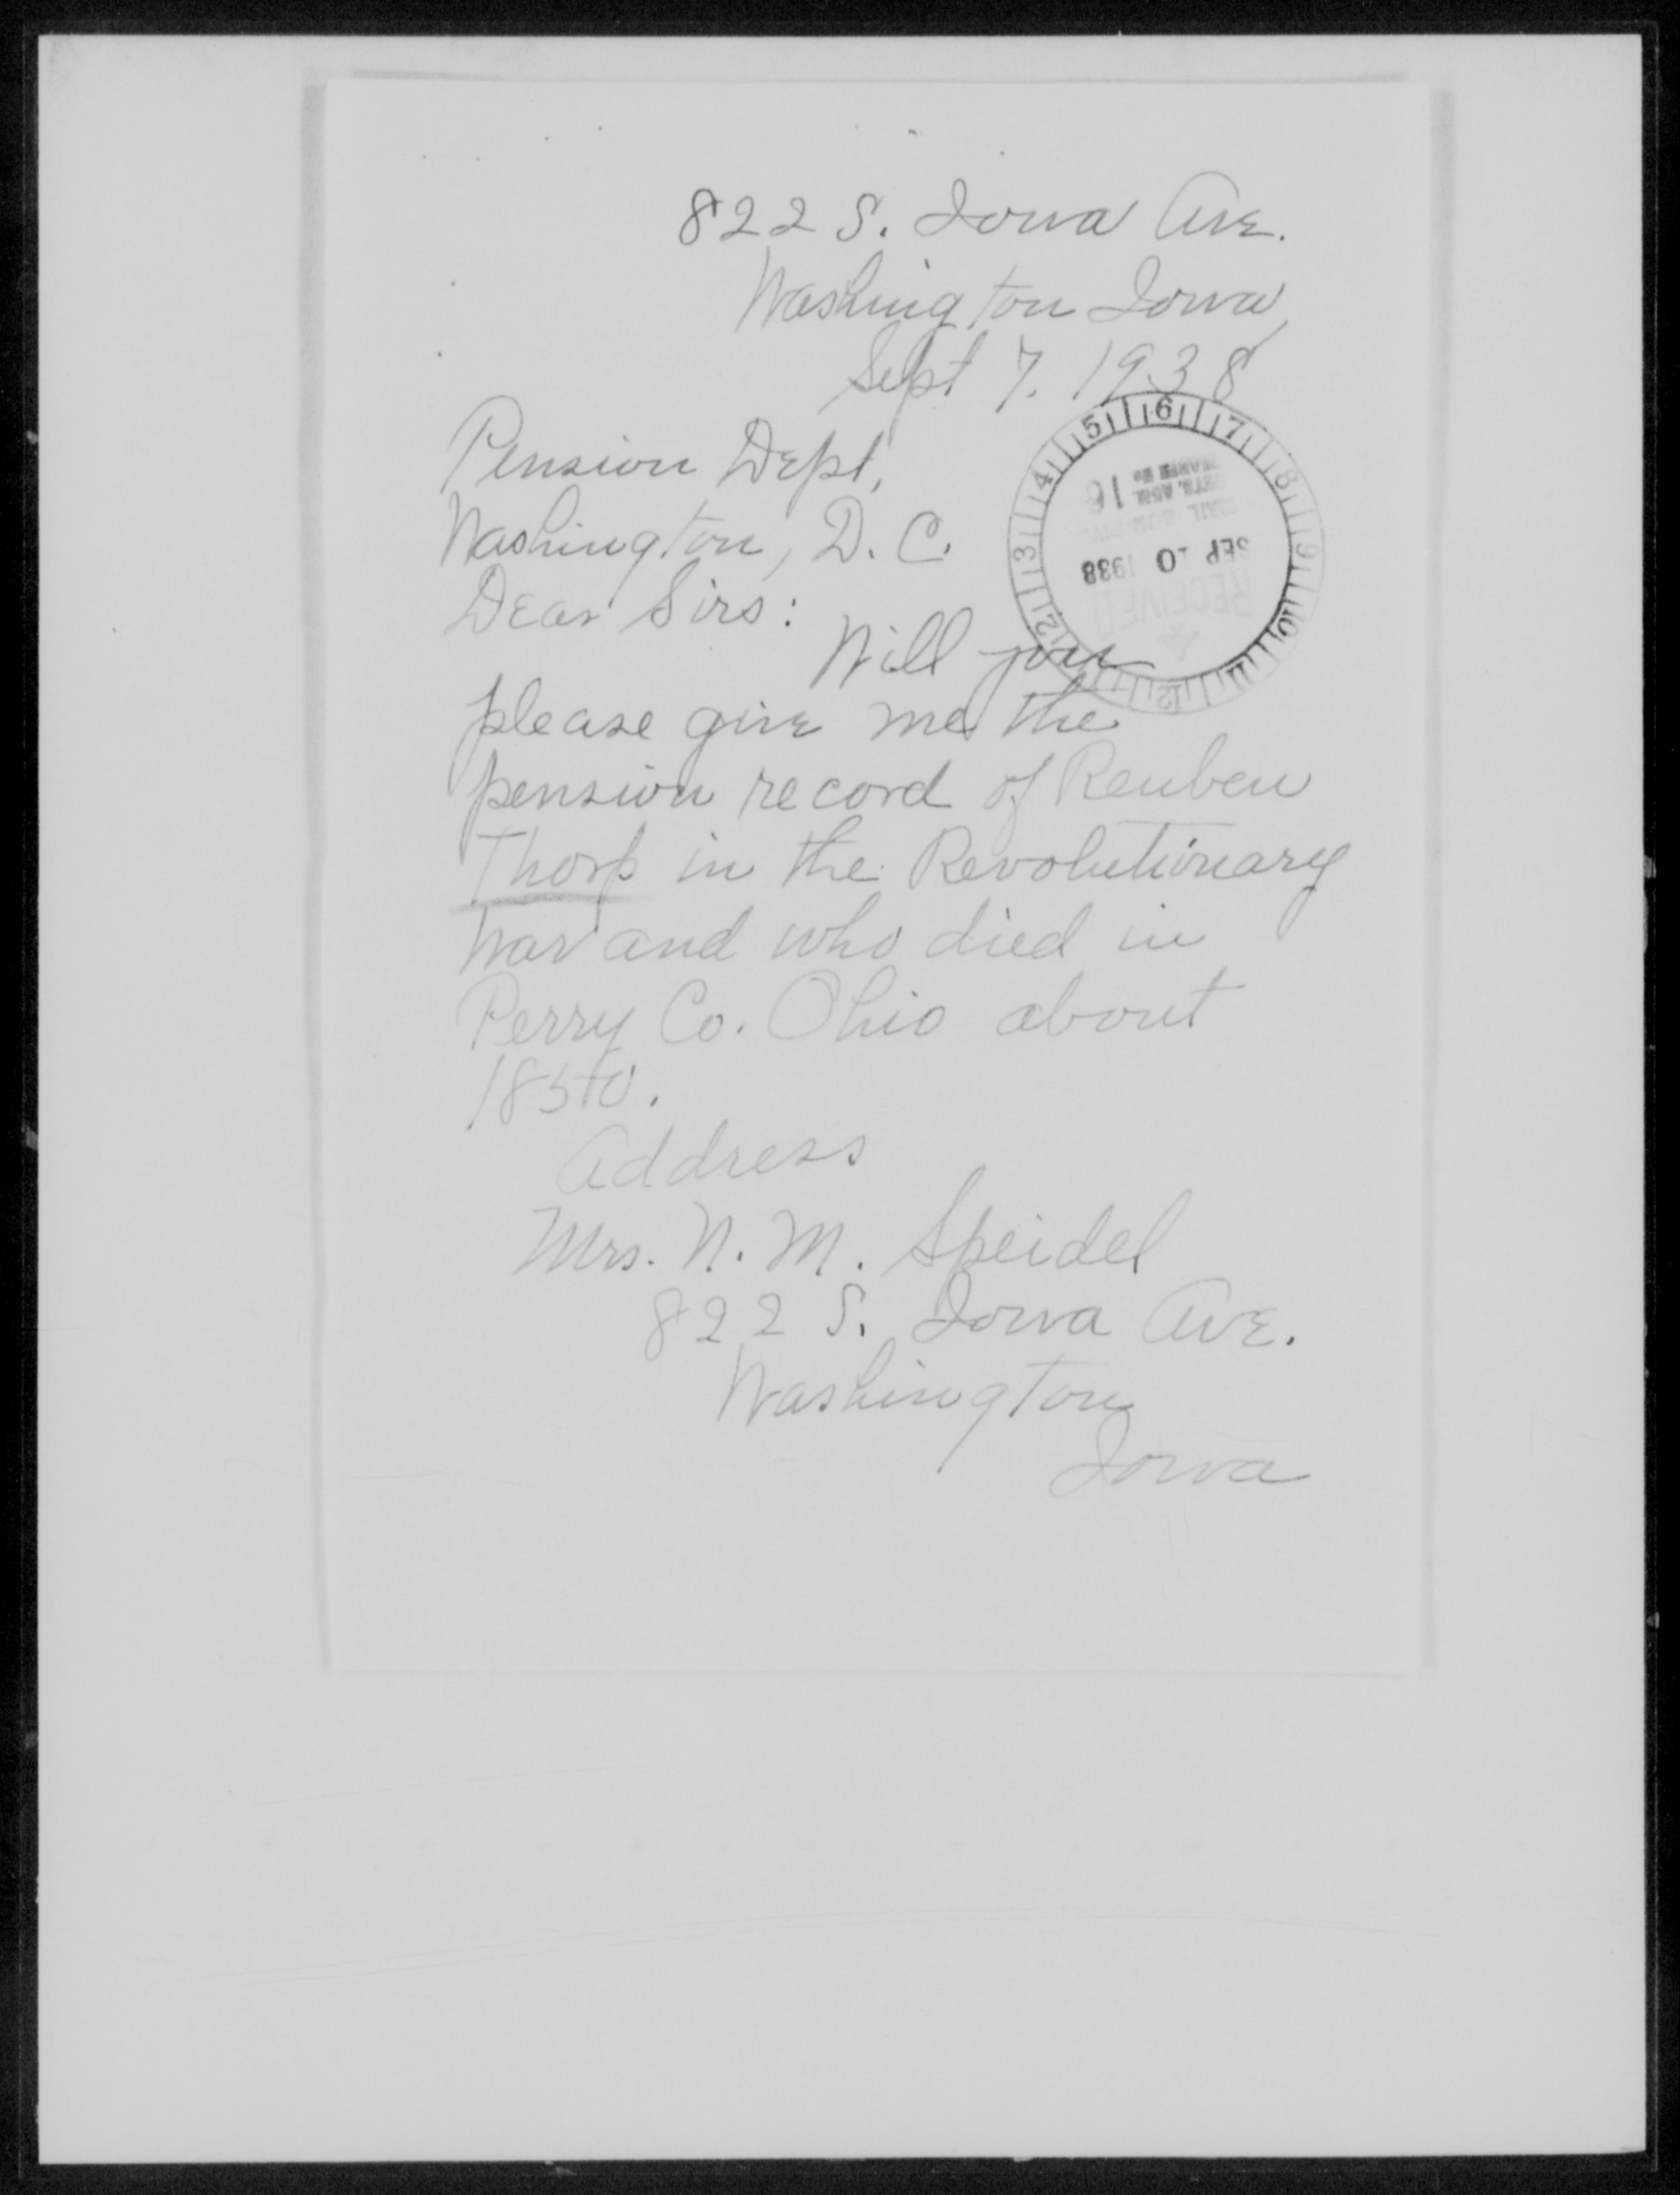822 S. Iowa Ave.
Washington Iowa
Sept 7, 1938

[stamp]
RECEIVED
SEP 10 1938
MAIL SUB-DIV
[ILLEGIBLE]
16

Pension Dept.
Washington, D.C.

Dear Sirs: 
Will you
please give me the
pension record of Reuben
Thorp in the Revolutionary 
War and who died in
Perry Co. Ohio about
1850.
Address
Mrs. N.M. Speidel
822 S. Iowa Ave.
Washington 
Iowa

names: N M Speidel; Reuben Thorp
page: 26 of 28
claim: survivor's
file: S. 6229, for Reuben Thorp, New Jersey